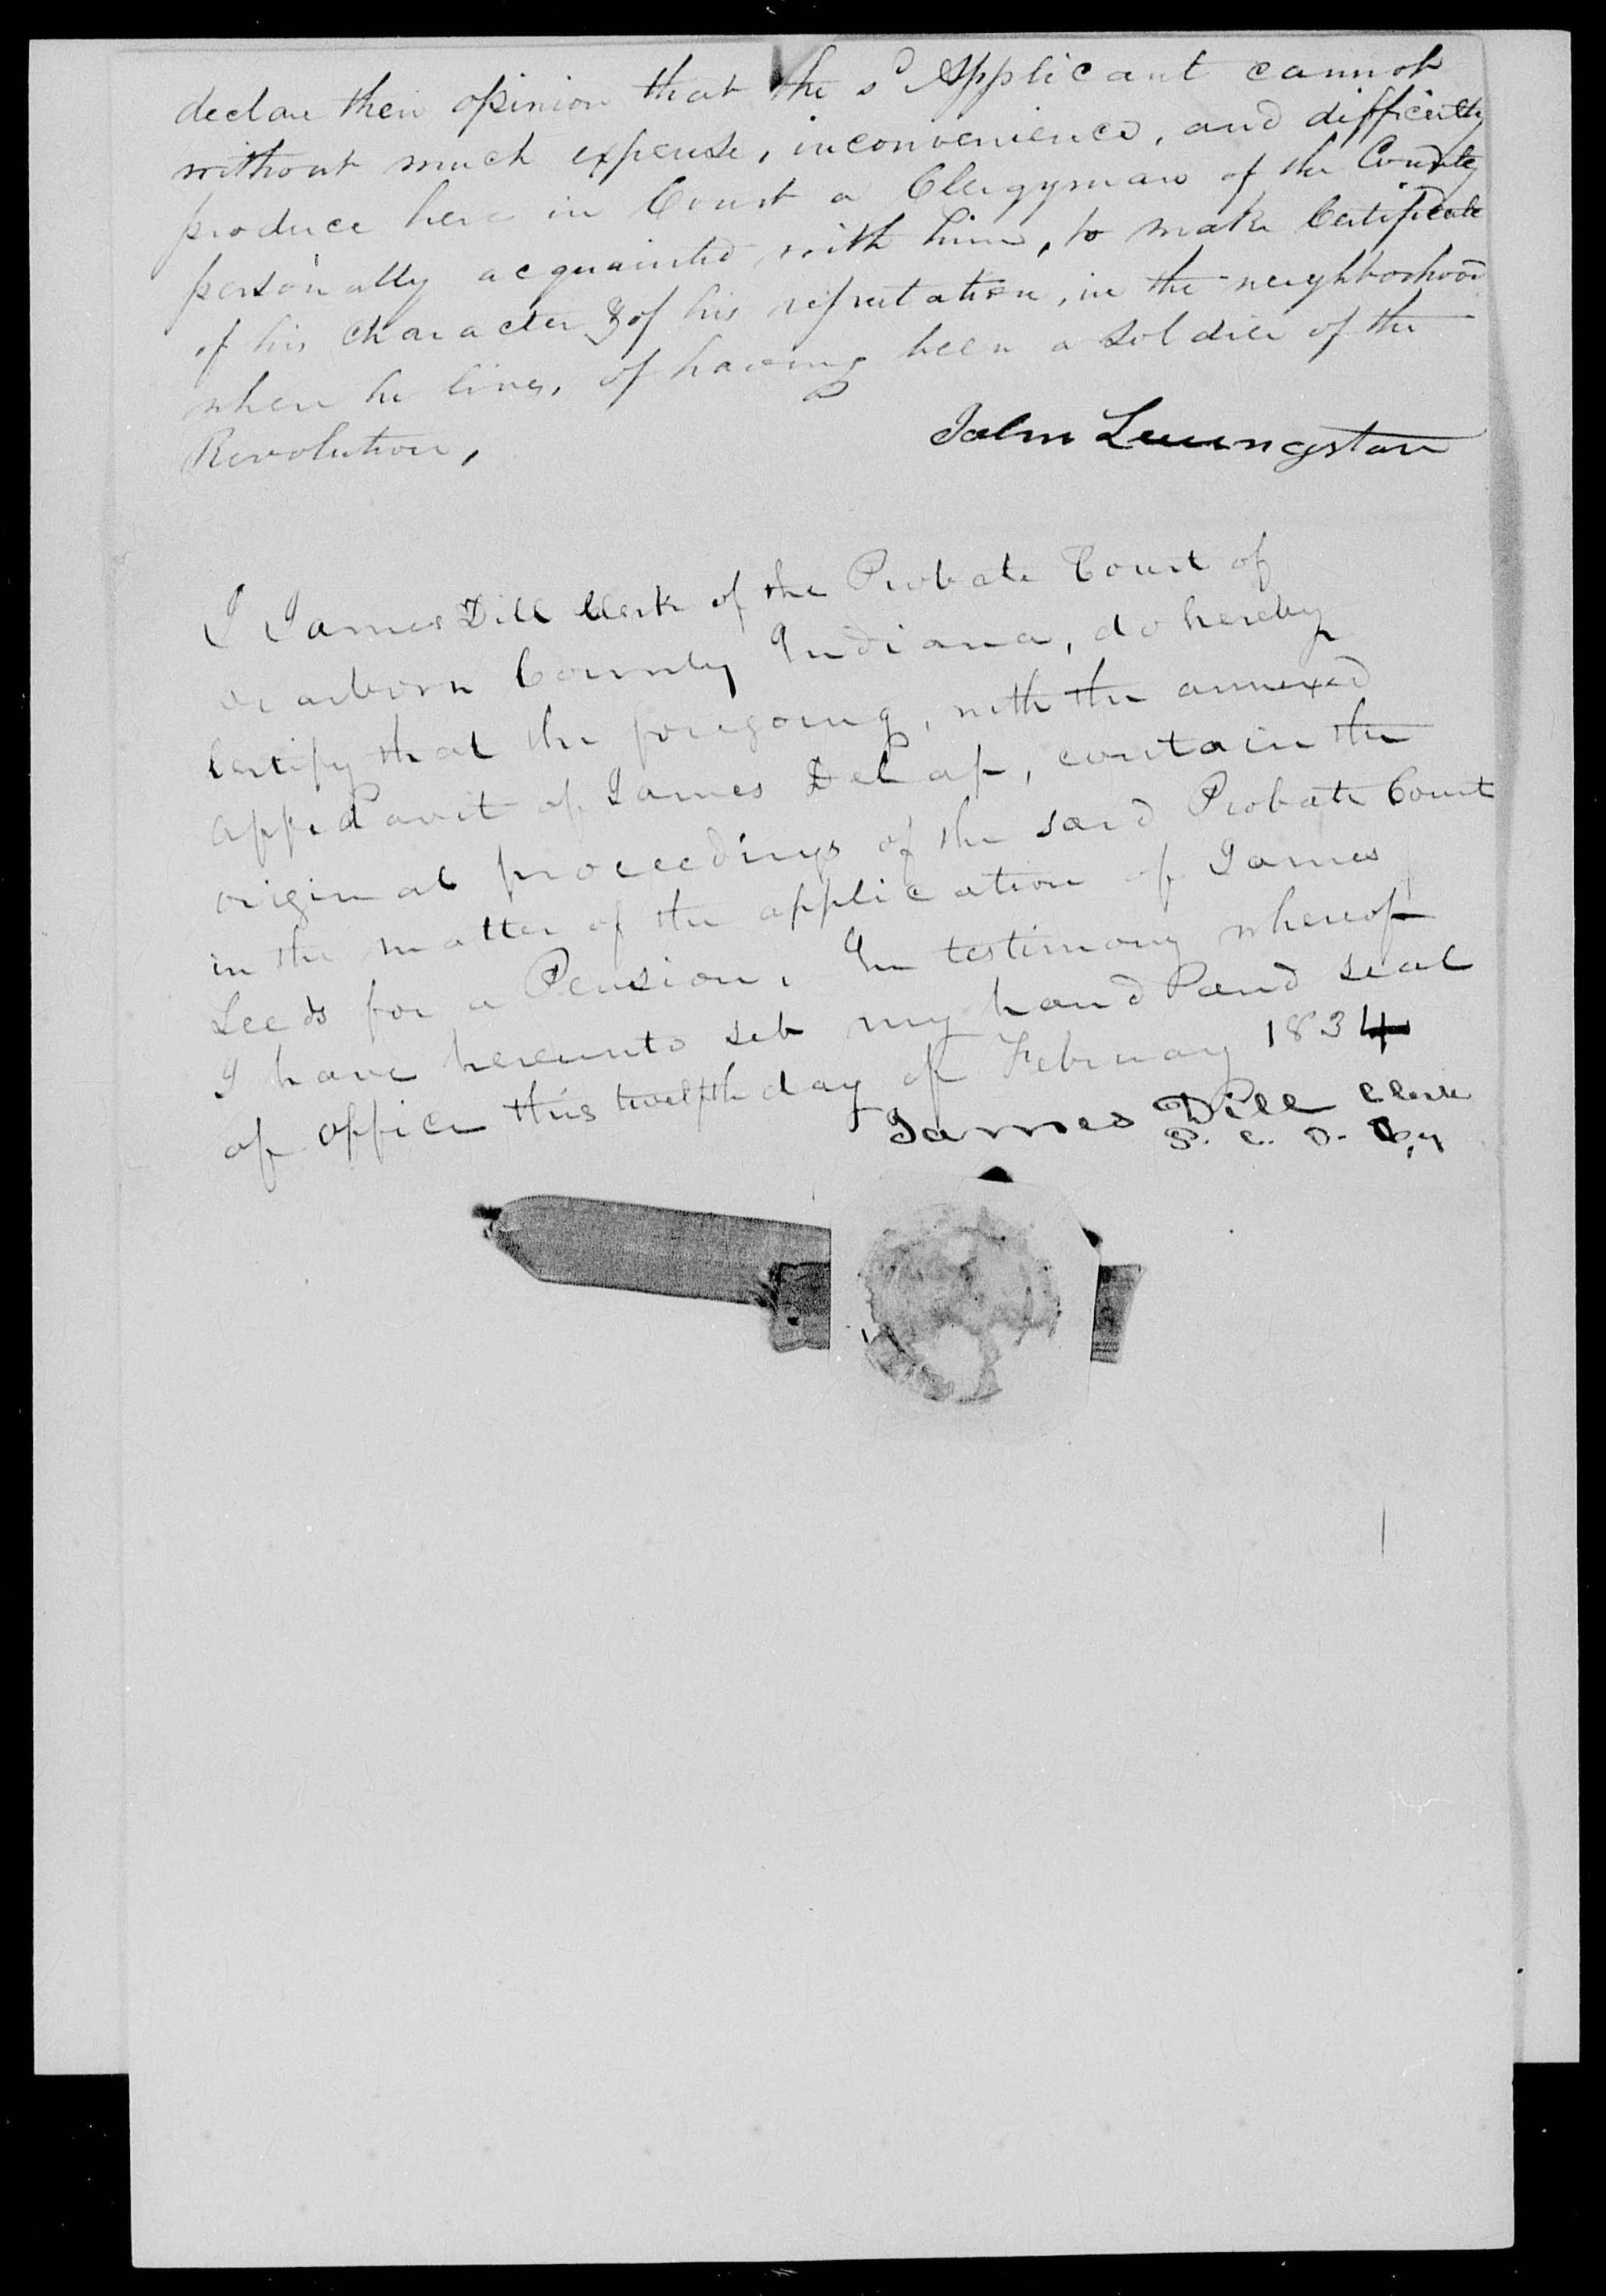I James Dill Clerk of the Probate Court of Dearborn County Indiana, do hereby certify that the foregoing, with the annexed affidavit of James Delap, contain the original proceedings of the said Probate Court in the matter of the application of James Leeds for in Pension. My testimony whereof I have hereunto set my hand Pend seal of office this twelfth day of February 1834

James Dill Clerk P.C.D. [illegible]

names: James Dill; James Delap; John Livingston; James Leeds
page: 8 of 38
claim: survivor's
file: S 31817, for James Leeds, New Jersey